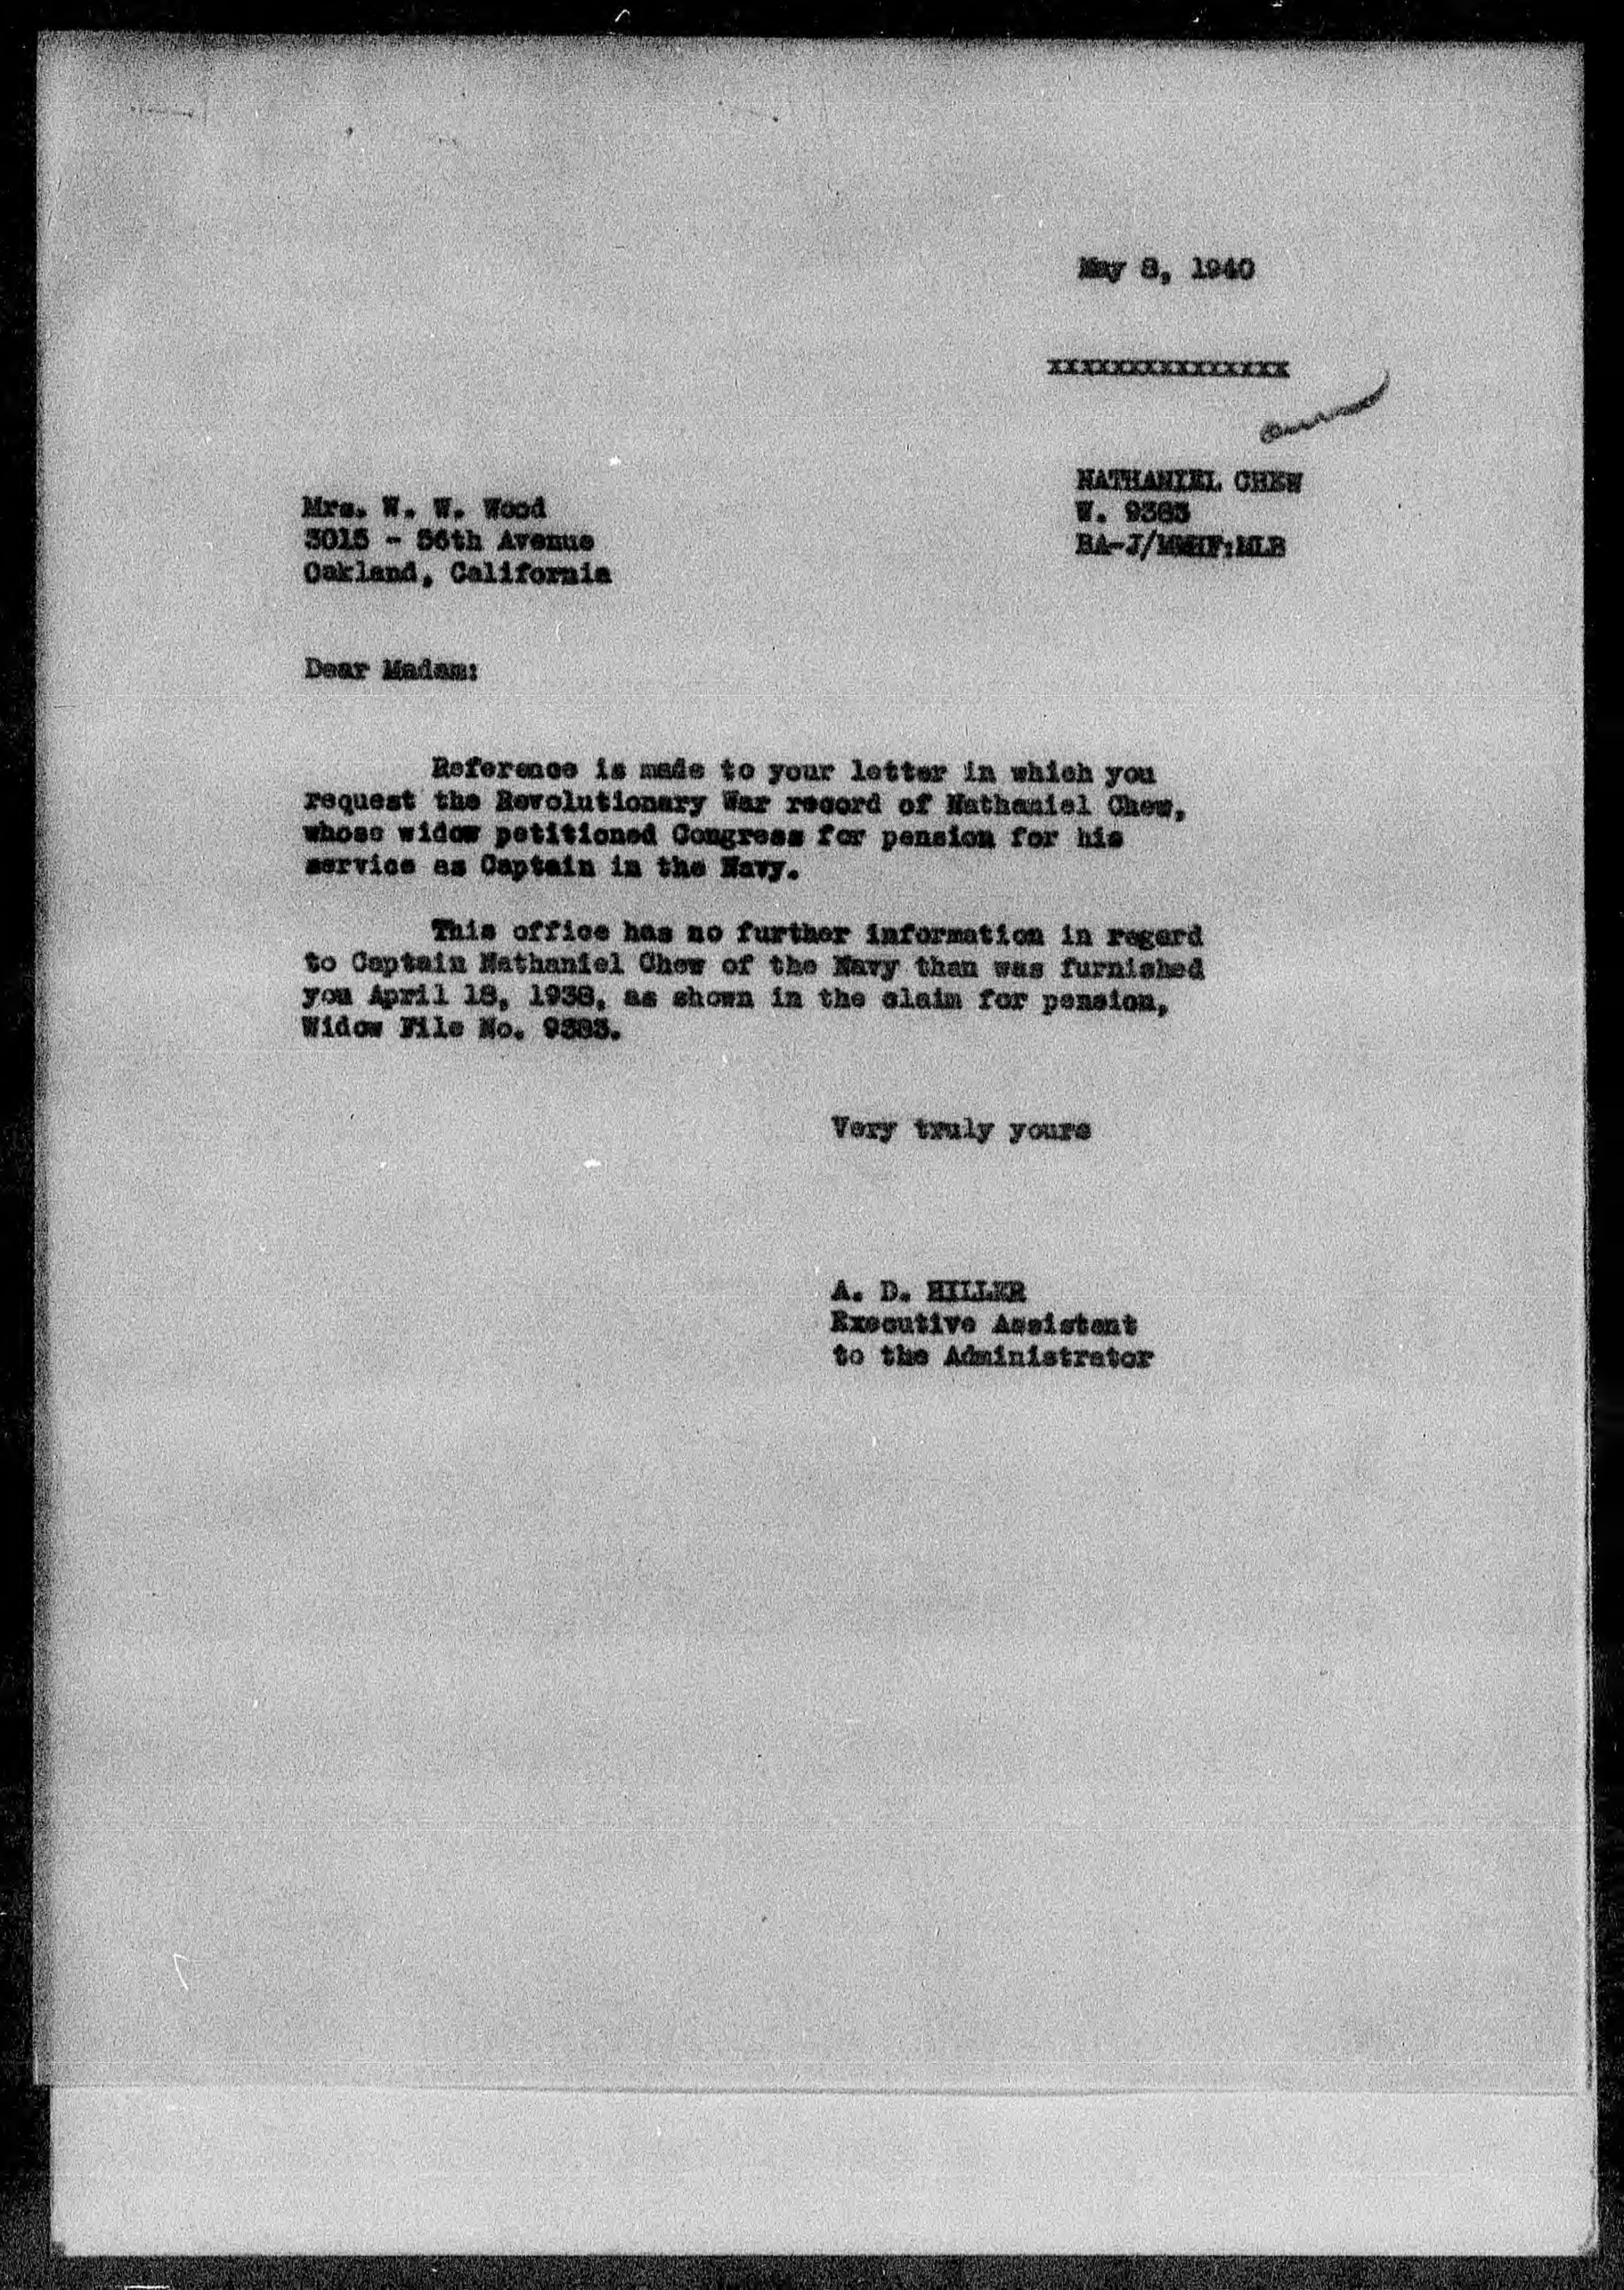May 8, 1940
xxxxxxxxxxx
[illegible]

NATHANIEL CHEW
W. 9383
BA-J/MHF:MLB

Mrs. W. W. Wood
3015 - 56th Avenue
Oakland, California

Dear Madam:

Reference is made to your letter in which you
request the Revolutionary War record of Nathaniel Chew,
whose widow petitioned Congress for pension for his
service as Captain in the Navy,

This office has no further information in regard
to Captain Nathaniel Chew of the Navy than was furnished
you April 18, 1938, as shown in the claim for pension,
Widow File No. 9383.

Very truly yours

A.D. HILLER
Executive Assistant
to the Administrator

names: Nathaniel Chew, Nathaniel Chew, Nathaniel Chew, W W Wood, A D Hiller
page: 36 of 59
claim: widow's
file: W. 9383, Nathaniel Chew, Navy (Md.)